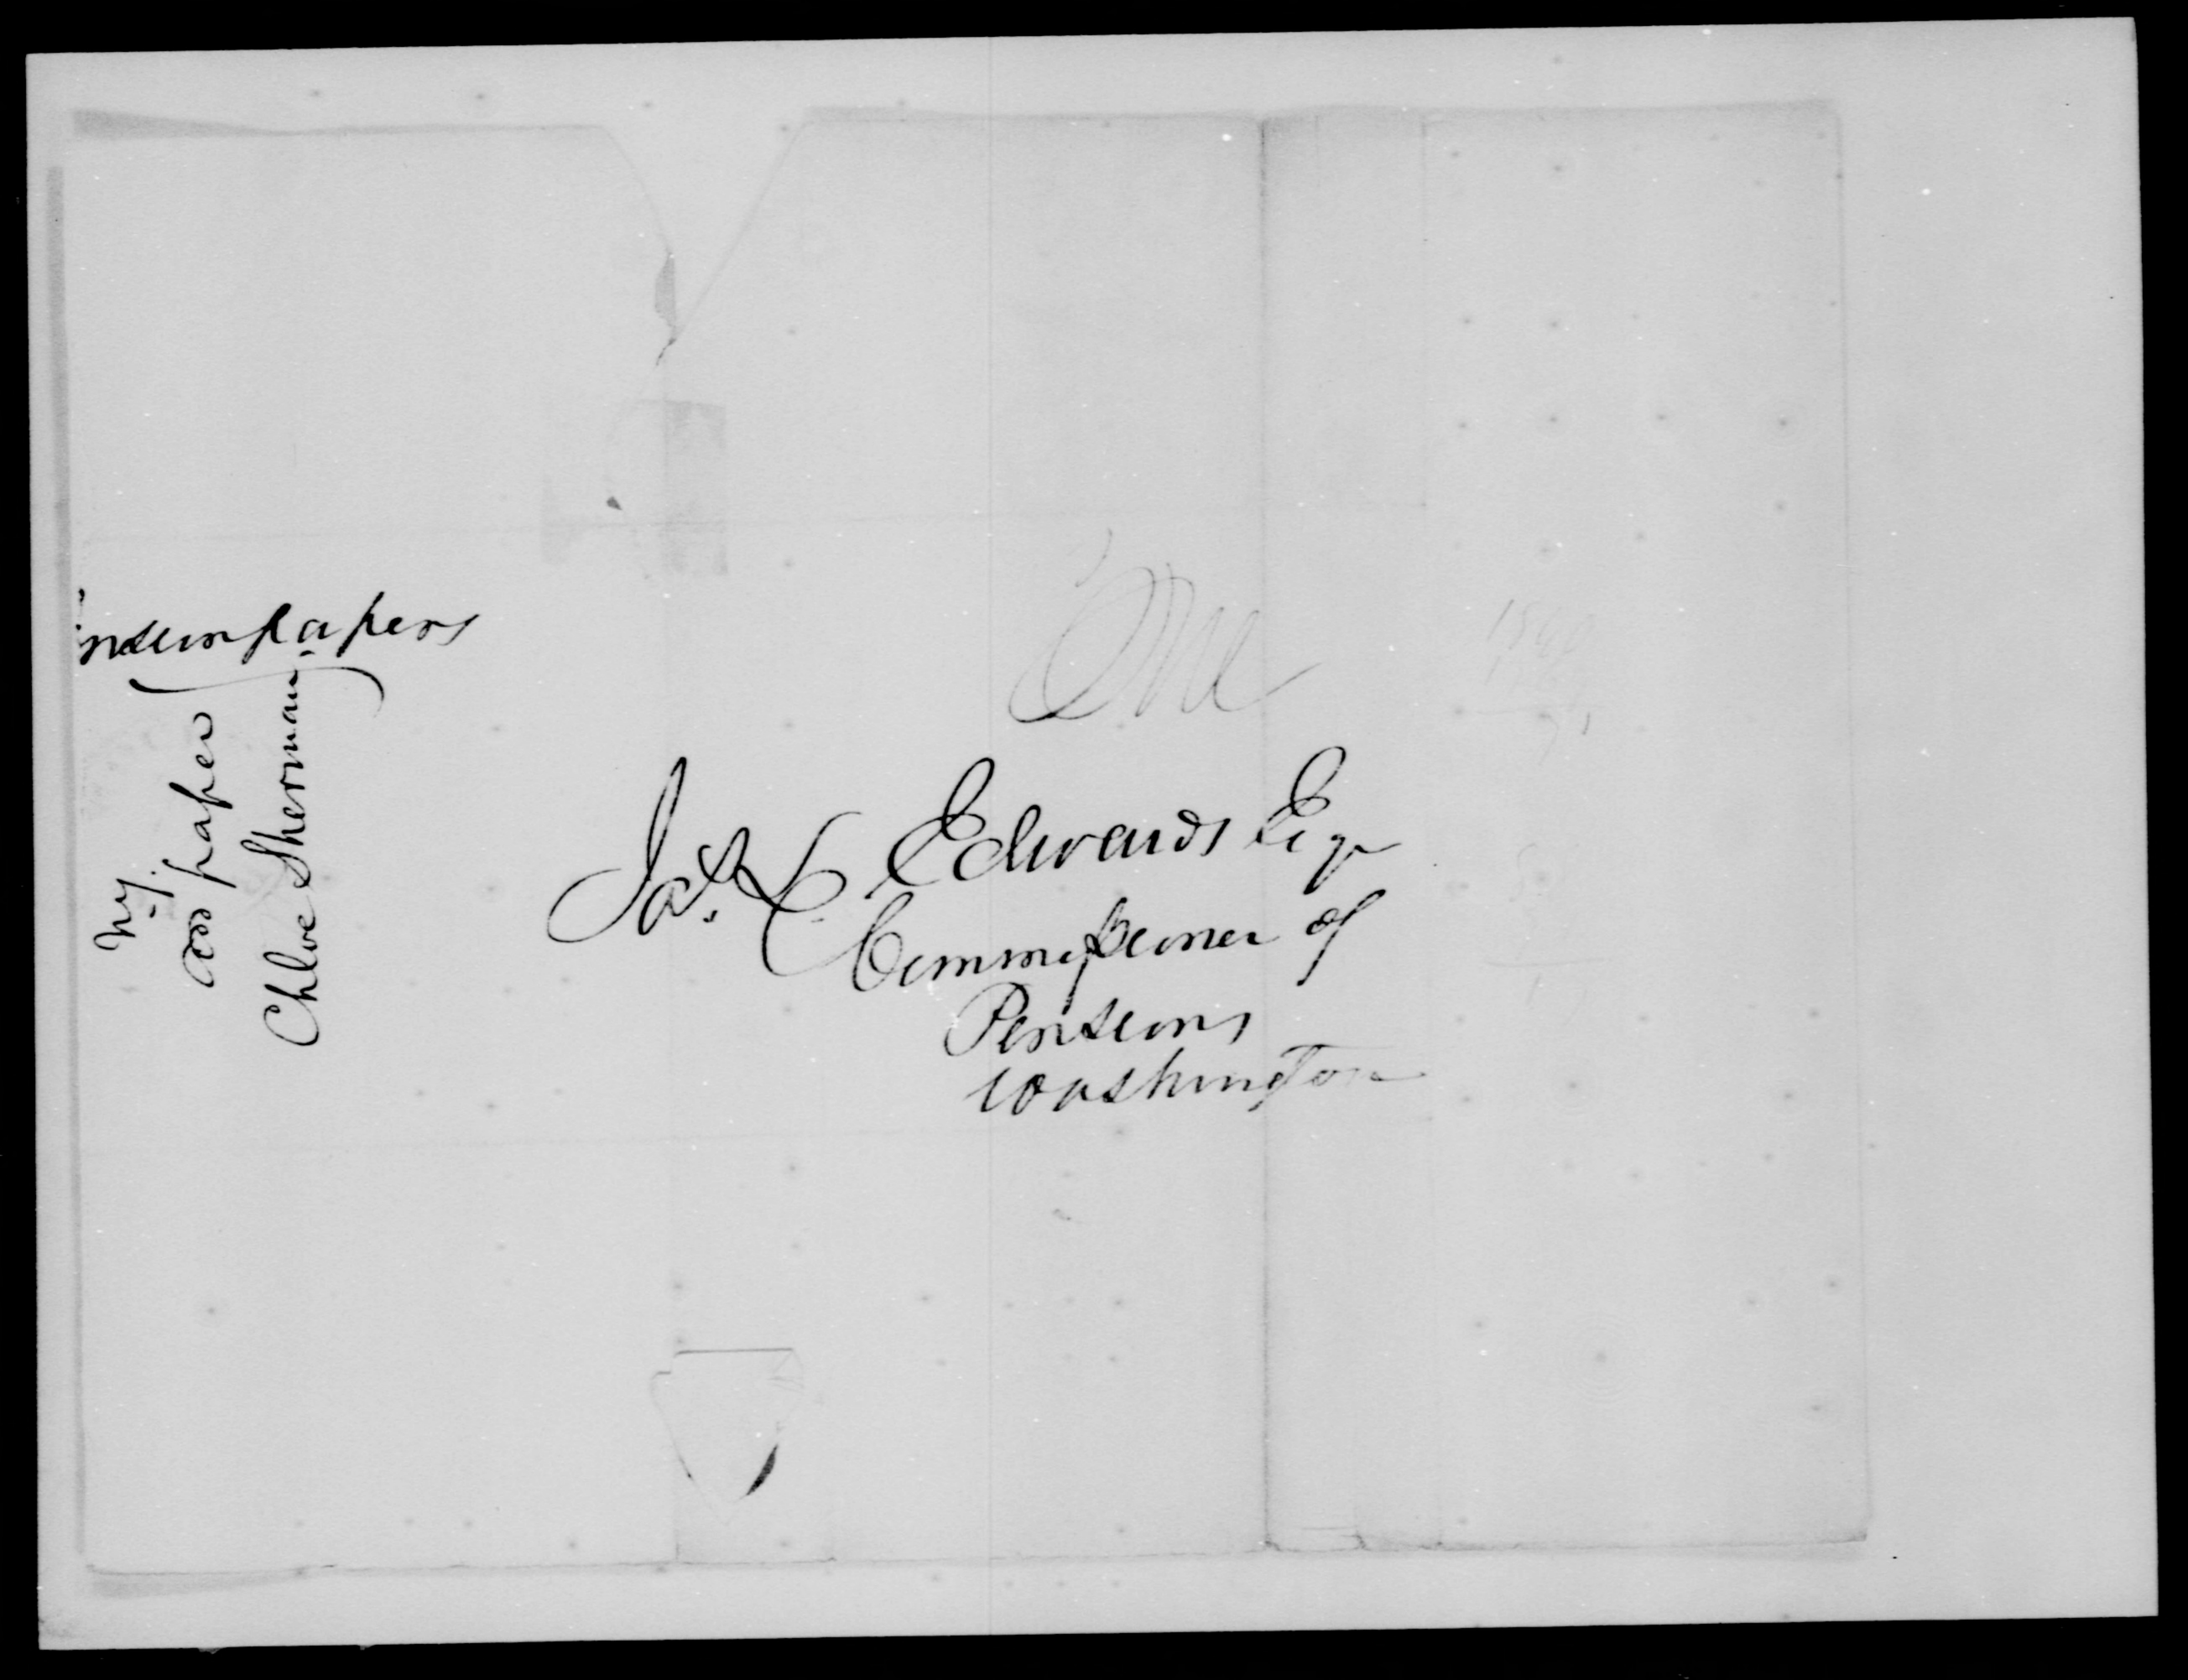Jas L Edwards Esq
Commissioner of Pensions
Washington

(cut off word) papers
NY
papers
Chloe Sherman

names: Jas L Edwards; Chloe Sherman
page: 35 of 52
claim: rejected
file: R. 9493, for George Sherman, Vermont